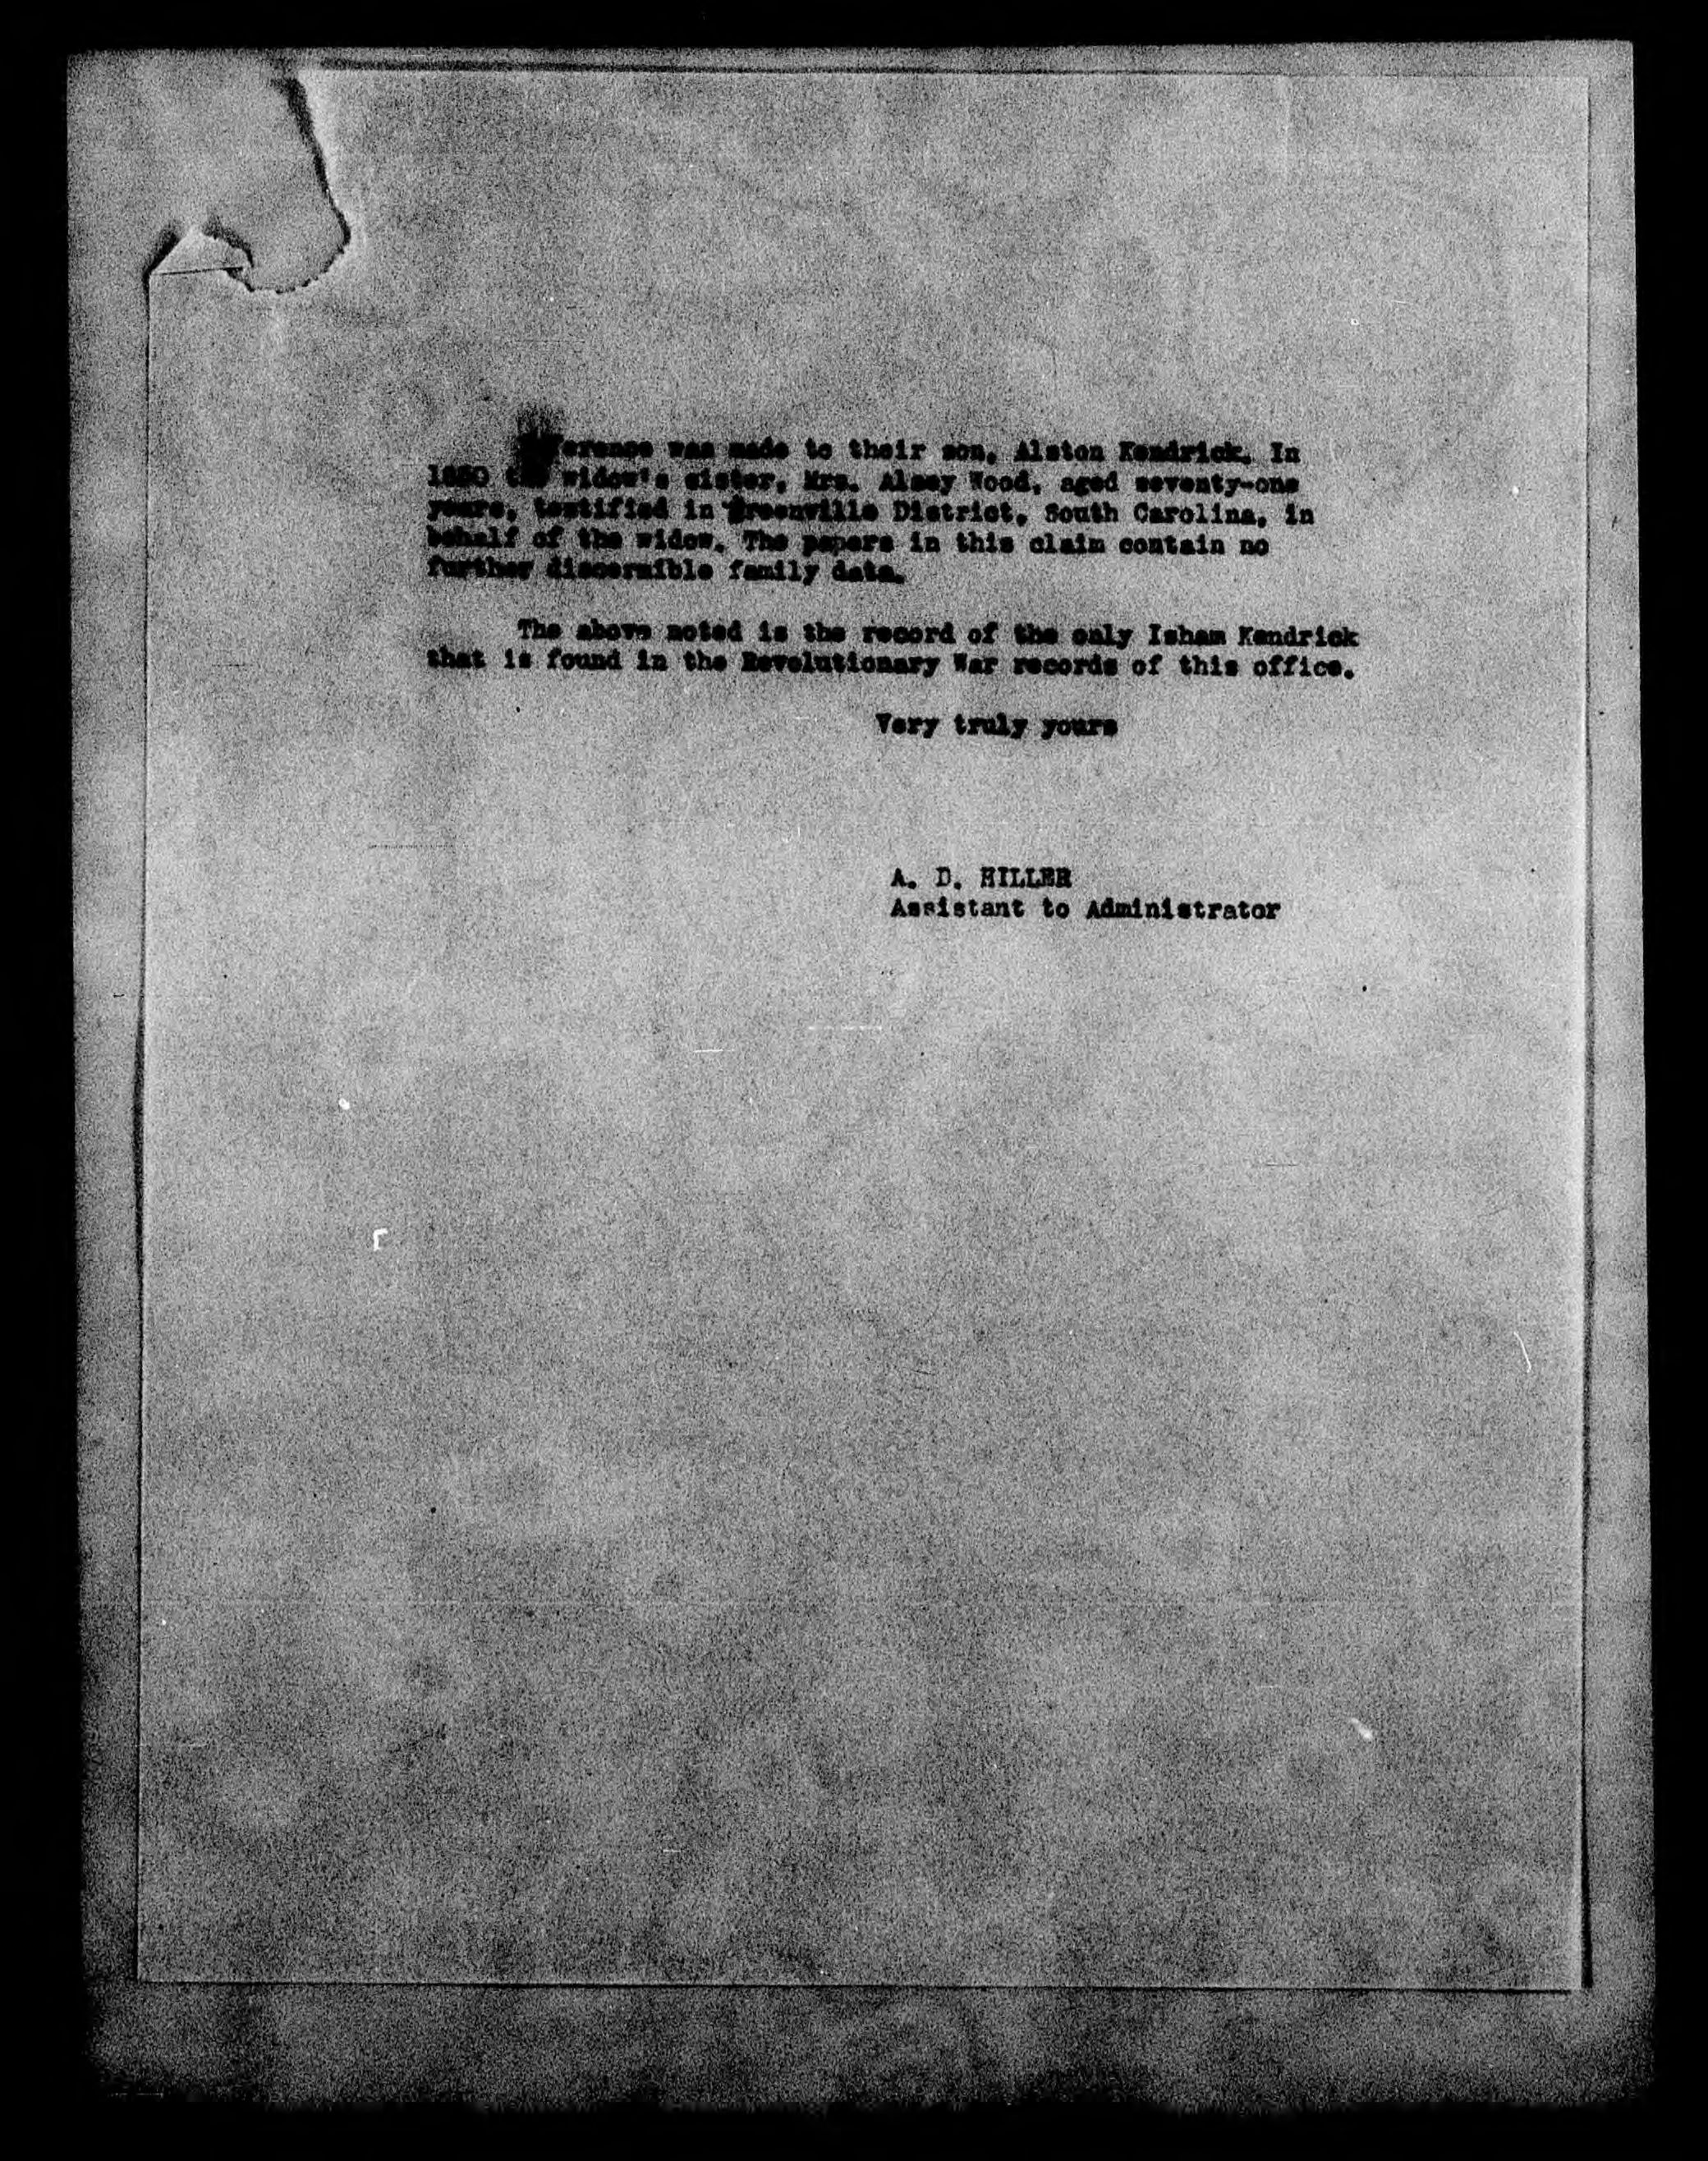Reference was made to their son, Alston Kendrick.  In
[illegible year possibly 1850], the widow's sister, Mrs. Alsey Wood, aged seventy-one
years, testified in Greenville District, South Carolina, in 
behalf of the widow.  The papers in this claim contain no 
further discernable family data.

The above noted is the record of the only Isham Kendrick 
that is found in the Revolutionary War records of this office.

Very truly your

A. D. HILLER
Assistant to Administrator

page: 7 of 29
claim: rejected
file: R. 5862, for Isham Kendrick, North Carolina